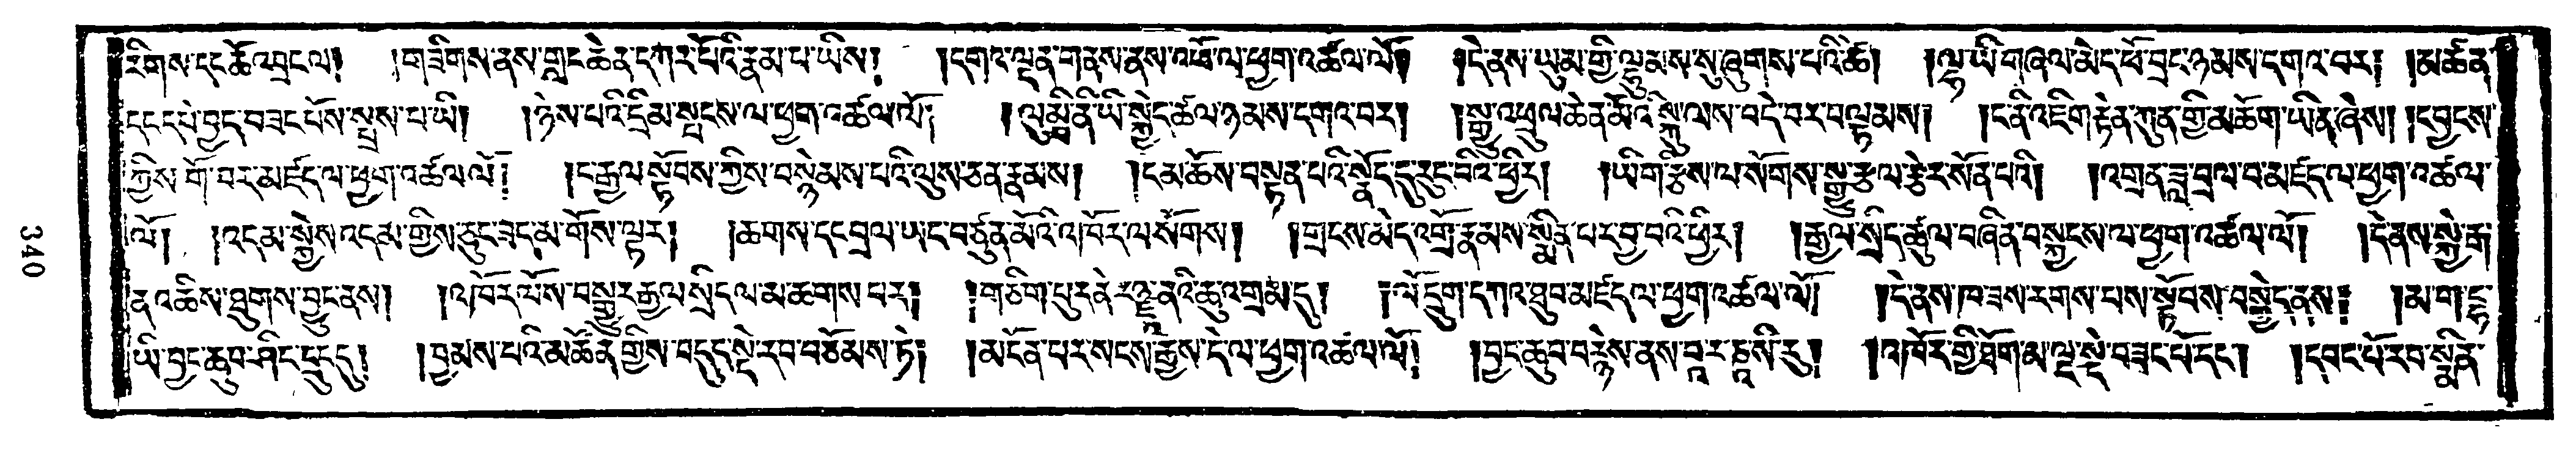རིགས་དང་ཆོ་འབྲང་ལ། །གཟིགས་ནས་གླིང་ཆེན་དཀར་པོའི་རྣམ་པ་ཡིས། །དགའ་ལྡན་གནས་ནས་འཕོ་ལ་ཕྱག་འཚལ་ལོ། །དེ་ནས་ཡུམ་གྱི་ལྷུམས་སུ་ཞུགས་པའི་ཚེ། །ལྷ་ཡི་གཞལ་མེད་ཕོ་བྲང་ཉམས་དགའ་བར། །མཚན་
དང་དཔེ་བྱད་བཟང་པོས་སྤྲས་པ་ཡི། །ཉེས་པའི་དྲི་མ་སྤངས་ལ་ཕྱག་འཚལ་ལོ། །མུམ་བི་ནི་ཡི་སྐྱེད་ཚལ་ཉམས་དགའ་བར། །སྒྱུ་འཕྲུལ་ཆེན་མོའི་སྐུ་ལས་བདེ་བར་བལྟམས། །ང་ནི་འཇིག་རྟེན་ཀུན་གྱི་མཆོག་ཡིན་ཞེས། །དབྱངས་
ཀྱིས་གོ་བར་མཛད་ལ་ཕྱག་འཚལ་ལོ། །ང་རྒྱལ་སྟོབས་ཀྱིས་བསྙེམས་པའི་ལུས་ཅན་རྣམས། །དམ་ཆོས་བསྟན་པའི་སྣོད་དུ་རུང་བའི་ཕྱིར། །ཡིག་རྩིས་ལ་སོགས་སྒྱུ་རྩལ་རྩེར་སོན་པའི། །འགྲན་ཟླ་བྲལ་བ་མཛད་ལ་ཕྱག་འཚལ་
ལོ། །འདམ་སྐྱེས་འདམ་གྱིས་ཅུང་ཟད་མ་གོས་ལྟར། །ཆགས་དང་བྲལ་ཡང་བཙུན་མོའི་འཁོར་ལ་སོགས། །གྲངས་མེད་འགྲོ་རྣམས་སྨིན་པར་བྱ་བའི་ཕྱིར། །རྒྱལ་སྲིད་ཚུལ་བཞིན་བསྐྱངས་ལ་ཕྱག་འཚལ་ལོ། །དེ་ནས་སྐྱེ་རྒ་
ན་འཆིས་ཐུགས་བྱུང་ནས། །འཁོར་ལོས་བསྒྱུར་རྒྱལ་སྲིད་ལ་མ་ཆགས་པར། །གཅིག་པུར་ནེ་རཉྩཱ་ནའི་ཆུ་འགྲམ་དུ། །ལོ་དྲུག་དཀའ་ཐུབ་མཛད་ལ་ཕྱག་འཚལ་ལོ། །དེ་ནས་ཁ་ཟས་རགས་པས་སྟོབས་བསྐྱེད་ནས། །མ་གདཧ་
ཡི་བྱང་ཆུབ་ཤིང་དྲུང་དུ། །བྱམས་པའི་མཆོན་གྱིས་བདུད་སྡེ་རབ་བཅོམས་ཏེ། །མངོན་པར་སངས་རྒྱས་དེ་ལ་ཕྱག་འཚལ་ལོ། །བྱང་ཆུབ་བརྙེས་ནས་བཱ་ར་ནཱ་སི་རུ། །འཁོར་གྱི་ཐོག་མ་ལྔ་སྡེ་བཟང་པོ་དང་། །དབང་པོ་རབ་སྨིན་